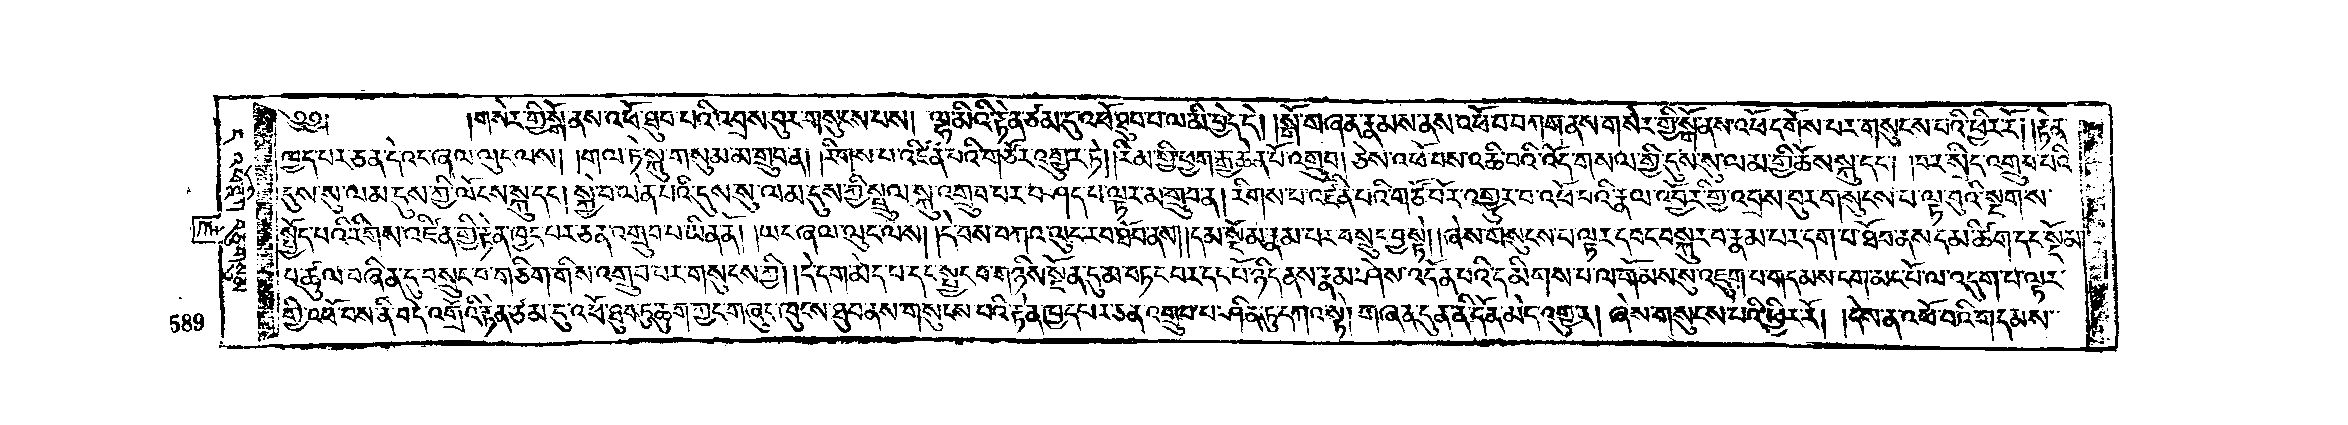༄༅། །གསེར་གྱི་སྒོ་ནས་འཕོ་ཐུབ་པའི་འབྲས་བུར་གསུངས་པས། ལྷ་མིའི་རྟེན་ཙམ་དུ་འཕོ་ཐུབ་པ་ལ་མི་བྱེད་དེ། །སྒོ་གཞན་རྣམས་ནས་འཕོ་བ་བཀག་ནས་གསེར་གྱི་སྒོ་ནས་འཕོ་དགོས་པར་གསུངས་པའི་ཕྱིར་རོ། །རྟེན་
ཁྱད་པར་ཅན་དེའང་ཞལ་ལུང་ལས། །གལ་ཏེ་སྐུ་གསུམ་མ་གྲུབ་ན། །རིགས་པ་འཛིན་པའི་གཙོར་འགྱུར་ཏེ། །རིམ་གྱི་ཕྱག་རྒྱ་ཆེན་པོ་འགྲུབ། ཅེས་འཕོ་བས་འཆི་བའི་འོད་གསལ་གྱི་དུས་སུ་ལམ་གྱི་ཆོས་སྐུ་དང་། །བར་སྲིད་འགྲུབ་པའི་
དུས་སུ་ལམ་དུས་ཀྱི་ལོངས་སྐུ་དང་། སྐྱེ་བ་ལེན་པའི་དུས་སུ་ལམ་དུས་ཀྱི་སྤྲུལ་སྐུ་འགྲུབ་པར་བཤད་པ་ལྟར་མ་གྲུབ་ན། རིགས་པ་འཛིན་པའི་གཙོ་བོར་འགྱུར་བ་འཕོ་བའི་རྣལ་འབྱོར་གྱི་འབྲས་བུར་གསུངས་པ་ལྟ་བུའི་སྔགས་
སྤྱོད་པའི་རིགས་འཛིན་གྱི་རྟེན་ཁྱད་པར་ཅན་འགྲུབ་པ་ཡིན་ནོ། །ཡང་ཞལ་ལུང་ལས། །དེ་བས་བཀའ་ལུང་རབ་ཐོབ་ནས། །དམ་སྡོམ་རྣམ་པར་བསྲུང་བྱ་སྟེ། །ཞེས་གསུངས་པ་ལྟར་དབང་བསྐུར་བ་རྣམ་པར་དག་པ་ཐོབ་ནས་དམ་ཚིག་དང་སྡོམ་
པ་ཚུལ་བཞིན་དུ་བསྲུང་བ་གཅིག་གིས་འགྲུབ་པར་གསུངས་ཀྱི། །དེ་དག་མེད་པ་དང་སྤྱང་བ་གཉིས་སྔོན་དུ་མ་བཏང་བར་དང་པོ་ཉིད་ནས་རྣམ་ཤེས་འདོན་པའི་དམིགས་པ་ལ་གོམས་སུ་འཇུག་པ་གདམས་ངག་མང་པོ་ལ་འདུག་པ་ལྟར་
གྱི་འཕོ་བས་ནི་བདེ་འགྲོའི་རྟེན་ཙམ་དུ་འཕོ་ཐུབ་ཏུ་ཆུག་ཀྱང་གཞུང་ཁུངས་ཐུབ་ནས་གསུངས་པའི་རྟེན་ཁྱད་པར་ཅན་འགྲུབ་པ་ཤིན་ཏུ་དཀའ་སྟེ། གཞན་དུ་ན་ནི་དོན་མེད་འགྱུར། ཞེས་གསུངས་པའི་ཕྱིར་རོ། །དེས་ན་འཕོ་བའི་གདམས་